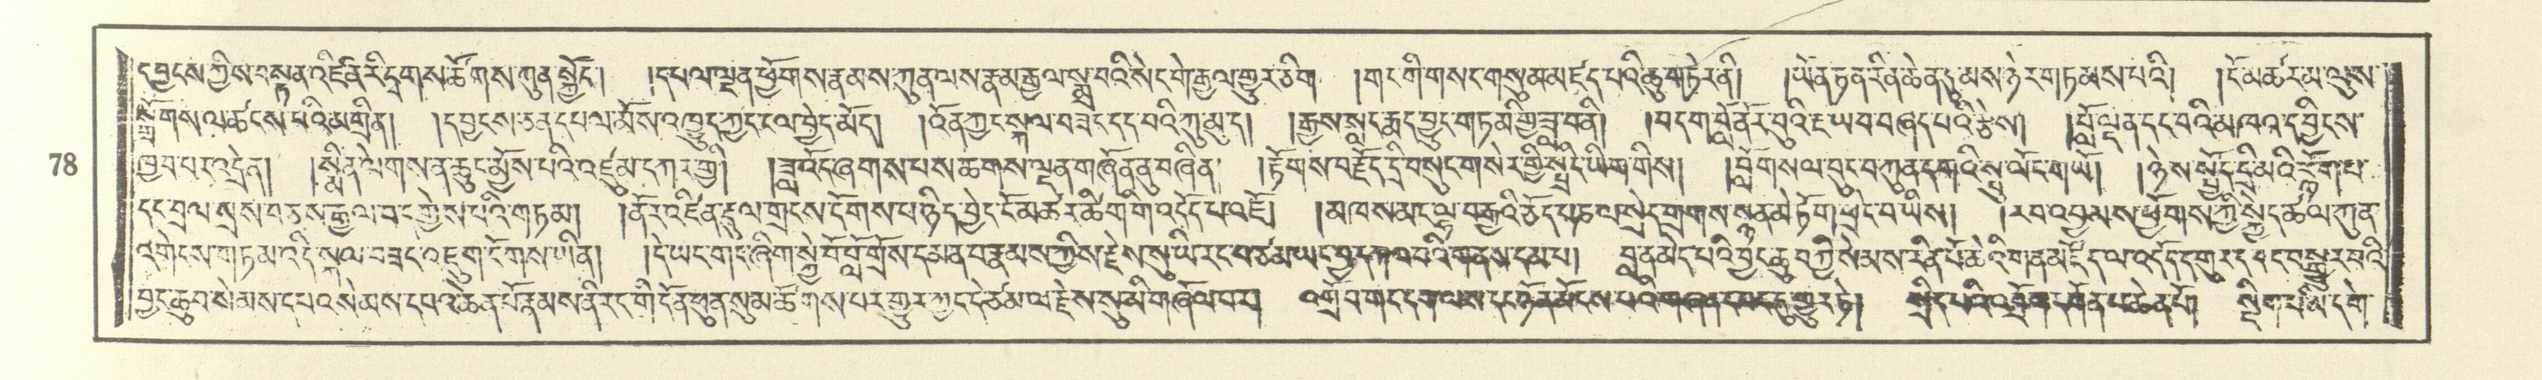དབྱངས་ཀྱིས་བསྟན་འཛིན་རི་དྭགས་ཚོགས་ཀུན་སྐྱོང་། །དཔལ་ལྡན་ཕྱོགས་རྣམས་ཀུན་ལས་རྣམ་རྒྱལ་སྨྲ་བའི་སེང་གེ་རྒྱལ་གྱུར་ཅིག །གང་གི་གསང་གསུམ་མཛད་པའི་ཆུ་གཏེར་ནི། །ཡོན་ཏན་རིན་ཆེན་དུ་མས་ཉེར་གཏམས་པའི། །ངོ་མཚར་མ་ལུས་
སྒྲོགས་ལ་ཚངས་པའི་མགྲིན། །དབྱངས་ཅན་དཔལ་མོས་འཁྱུད་ཀྱང་ངལ་བྱེད་མོད། །འོན་ཀྱང་སྐལ་བཟང་དད་བའི་ཀུ་མུ་ད། །རྒྱས་སླད་རྨད་བྱུང་གཏམ་གྱི་ཟླ་བ་ནི། །བདག་བློ་ནོར་བུའི་རྔ་ཡབ་བཞད་པའི་རྩེས། །བློ་ལྡན་དང་བའི་མཁའ་དབྱིངས་
ཁྱབ་པར་འདྲེན། །སྨིན་ལེགས་ན་ཆུང་མྱོས་པའི་འཛུམ་དཀར་གྱི། །ཟླ་འོད་ཞགས་པས་ཆགས་ལྡན་གཞོན་ནུ་བཞིན། །རྟོགས་བརྗོད་དྲི་བསུང་གསེར་གྱི་སྤྲིང་ཡིག་གིས། །བློ་གསལ་བུང་བ་ཀུན་དགའི་སྤུ་ལོང་གཡོ། །ཉེས་སྤྱོད་དྲི་མའི་རྙོག་པ་
དང་བྲལ་སྲས་བཅས་རྒྱལ་བ་དགྱེས་པའི་གཏམ། །ནོར་འཛིན་རྡུལ་གྲངས་དོགས་པ་ཉིད་བྱེད་ངོ་མཚར་ཚིག་གི་འདོད་པ་འཇོ། །མཁས་མང་ལྷ་བརྒྱའི་ཅོད་པཎ་ལ་སྲེད་གྲགས་སྙན་མེ་ཏོག་ཕྲེང་བ་ཡིས། །རབ་འབྱམས་ཕྱོགས་ཀྱི་སྐྱེད་ཚལ་ཀུན་
འགེངས་གཏམ་འདི་སྐལ་བཟང་འཇུག་ངོགས་ཡིན། །དེ་ཡང་གང་ཞིག་སྐྱེ་བོ་བློ་གྲོས་དམན་པ་རྣམས་ཀྱིས་རྗེས་སུ་ཡི་རང་བ་ཙམ་ཡང་བྱ་དཀའ་བའི་གནས་དམ་པ། བླ་ན་མེད་པའི་བྱང་ཆུབ་ཀྱི་སེམས་རིན་པོ་ཆེའི་གན་མཛོད་ལ་འདོད་དགུར་དབང་བསྒྱུར་བའི་
བྱང་ཆུབ་སེམས་དཔའ་སེམས་དཔའ་ཆེན་པོ་རྣམས་ནི་རང་གི་དོན་ཕུན་སུམ་ཚོགས་པར་གྱུར་ཀྱང་དེ་ཙམ་ལ་རྗེས་སུ་མི་གཞོལ་བར། འགྲོ་བ་གང་དག་ལས་དང་ཉོན་མོངས་པའི་གཞན་དབང་དུ་གྱུར་ཏེ། སྲིད་པའི་འབྲོག་དགོན་པ་ཆེན་པ། སྡིག་པ་མི་དགེ་